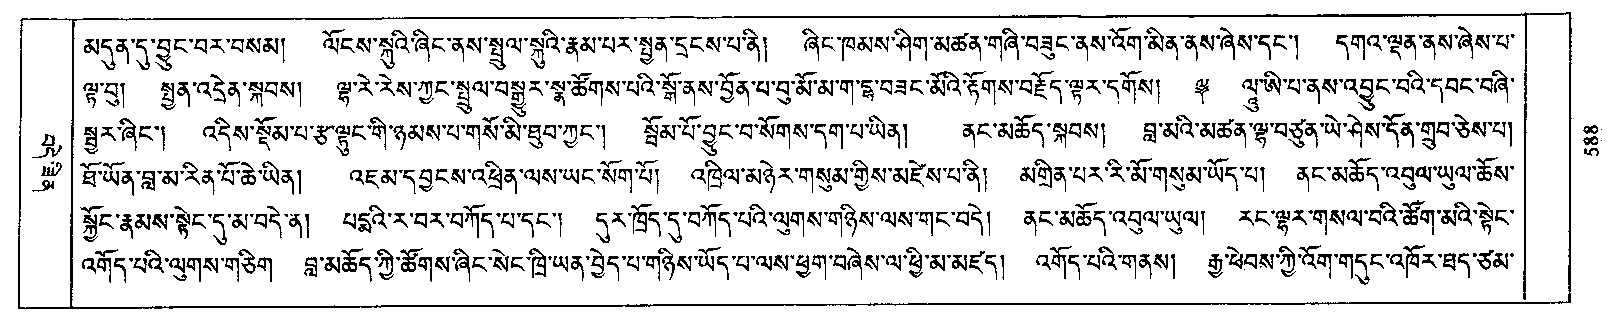མདུན་དུ་བྱུང་བར་བསམ། ལོངས་སྐུའི་ཞིང་ནས་སྤྲུལ་སྐུའི་རྣམ་པར་སྤྱན་དྲངས་པ་ནི། ཞིང་ཁམས་ཤིག་མཚན་གཞི་བཟུང་ནས་འོག་མིན་ནས་ཞེས་དང་། དགའ་ལྡན་ནས་ཞེས་པ་
ལྟ་བུ། སྤྱན་འདྲེན་སྐབས། ལྷ་རེ་རེས་ཀྱང་སྤྲུལ་བསྒྱུར་སྣ་ཚོགས་པའི་སྒོ་ནས་བྱོན་པ་བུ་མོ་མ་ག་དྷ་བཟང་མོའི་རྟོགས་བརྗོད་ལྟར་དགོས། ༈ ལཱུ་ཨི་པ་ནས་འབྱུང་བའི་དབང་བཞི་
སྦྱར་ཞིང་། འདིས་སྡོམ་པ་རྩ་ལྟུང་གི་ཉམས་པ་གསོ་མི་ཐུབ་ཀྱང་། སྦོམ་པོ་བྱུང་བ་སོགས་དག་པ་ཡིན། ནང་མཆོད་སྐབས། བླ་མའི་མཚན་ལྷ་བཙུན་ཡེ་ཤེས་དོན་གྲུབ་ཅེས་པ།
ཐོ་ཡོན་བླ་མ་རིན་པོ་ཆེ་ཡིན། འཇམ་དབྱངས་འཕྲིན་ལས་ཡང་སོག་པོ། འཁྲིལ་མཉེར་གསུམ་གྱིས་མཛེས་པ་ནི། མགྲིན་པར་རི་མོ་གསུམ་ཡོད་པ། ནང་མཆོད་འབུལ་ཡུལ་ཆོས་
སྐྱོང་རྣམས་སྟེང་དུ་མ་བདེ་ན། པདམའི་ར་བར་བཀོད་པ་དང་། དུར་ཁྲོད་དུ་བཀོད་པའི་ལུགས་གཉིས་ལས་གང་བདེ། ནང་མཆོད་འབུལ་ཡུལ། རང་ལྷར་གསལ་བའི་ཚོག་མའི་སྟེང་
འགོད་པའི་ལུགས་གཅིག་བླ་མཆོད་ཀྱི་ཚོགས་ཞིང་སེང་ཁྲི་ཡན་བྱེད་པ་གཉིས་ཡོད་པ་ལས་ཕྱག་བཞེས་ལ་ཕྱི་མ་མཛད། འགོད་པའི་གནས། རྒྱ་ཕེབས་ཀྱི་འོག་གདུང་འཁོར་ཐད་ཙམ་